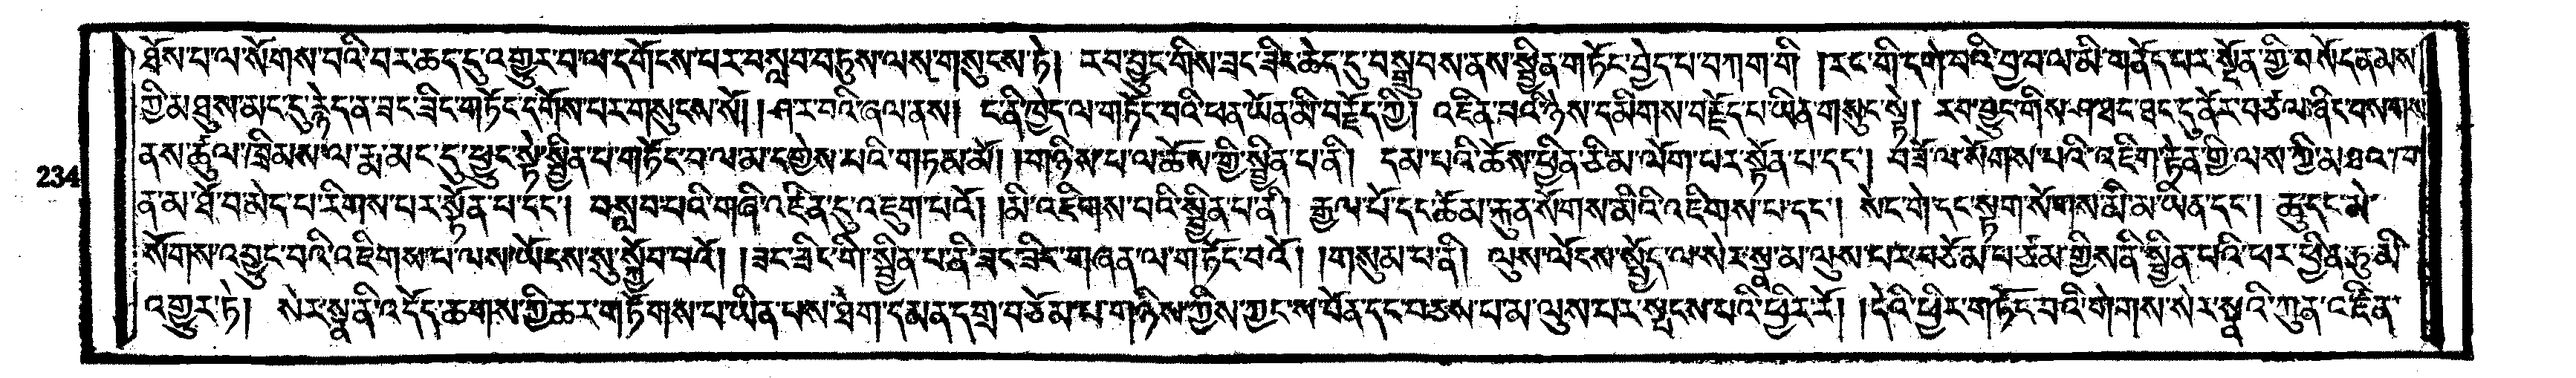ཐོས་པ་ལ་སོགས་བའི་བར་ཆད་དུ་འགྱུར་བ་ལ་དགོངས་པར་བསླབ་བཏུས་ལས་གསུངས་ཏེ། རབ་བྱུང་གིས་ཟང་ཟིང་ཆེད་དུ་བསྒྲུབས་ནས་སྦྱིན་གཏོང་བྱེད་པ་བཀག་གི །རང་གི་དགེ་བའི་བྱ་བ་ལ་མི་གནོད་པར་སྔོན་གྱི་བསོད་ནམས་
ཀྱི་མཐུས་མང་དུ་རྙེད་ན་ཟང་ཟིང་གཏོང་དགོས་པར་གསུངས་སོ། །ཤར་པའི་ཞལ་ནས། ང་ནི་ཁྱེད་ལ་གཏོང་བའི་ཕན་ཡོན་མི་བརྗོད་ཀྱི། འཛིན་པའི་ཉེས་དམིགས་བརྗོད་པ་ཡིན་གསུང་སྟེ། རབ་བྱུང་གིས་ཤ་ཐང་ཐང་དུ་ནོར་བཙལ་ཞིང་བསགས་
ནས་ཚུལ་ཁྲིམས་ལ་རྨ་མང་དུ་ཕྱུང་སྟེ་སྦྱིན་པ་གཏོང་བ་ལ་མ་དགྱེས་པའི་གཏམ་མོ། །གཉིས་པ་ལ་ཆོས་གྱི་སྦྱིན་པ་ནི། དམ་པའི་ཆོས་ཕྱིན་ཅི་མ་ལོག་པར་སྟོན་པ་དང་། བཟོ་ལ་སོགས་པའི་འཛིན་གྱི་ལས་ཀྱི་མཐའ་ཁ་
ན་མ་ཐོ་བ་མེད་པ་རིགས་པར་སྟོན་པ་དང་། བསླབ་པའི་གཞི་འཛིན་དུ་འཇུག་པའོ། །མི་འཇིགས་པའི་སྦྱིན་པ་ནི། རྒྱལ་པོ་དང་ཆོམ་རྐུན་སོགས་མིའི་འཇིགས་པ་དང་། སེང་གེ་དང་སྟག་སོགས་མི་མ་ཡིན་དང་། ཆུ་དང་མེ་
སོགས་འབྱུང་བའི་འཇིགས་པ་ལས་ཡོངས་སུ་སྐྱོབ་པའོ། །ཟང་ཟིང་གི་སྦྱིན་པ་ནི་ཟང་ཟིང་གཞན་ལ་གཏོང་བའོ། །གསུམ་པ་ནི། ལུས་ལོངས་སྤྱོད་ལ་སེར་སྣ་མ་ལུས་པར་བཅོམ་པ་ཙམ་གྱིས་ནི་སྦྱིན་པའི་ཕར་ཕྱིན་ཏུ་མི་
འགྱུར་ཏེ། སེར་སྣ་ནི་འདོད་ཆགས་ཀྱི་ཆར་གཏོགས་པ་ཡིན་པས་ཐེག་དམན་དགྲ་བཅོམ་པ་གཉིས་ཀྱིས་ཀྱང་ས་བོན་དང་བཅས་པ་མ་ལུས་པར་སྤངས་པའི་ཕྱིར་རོ། །དེའི་ཕྱིར་གཏོང་བའི་གེགས་སེར་སྣའི་ཀུན་འཛིན་